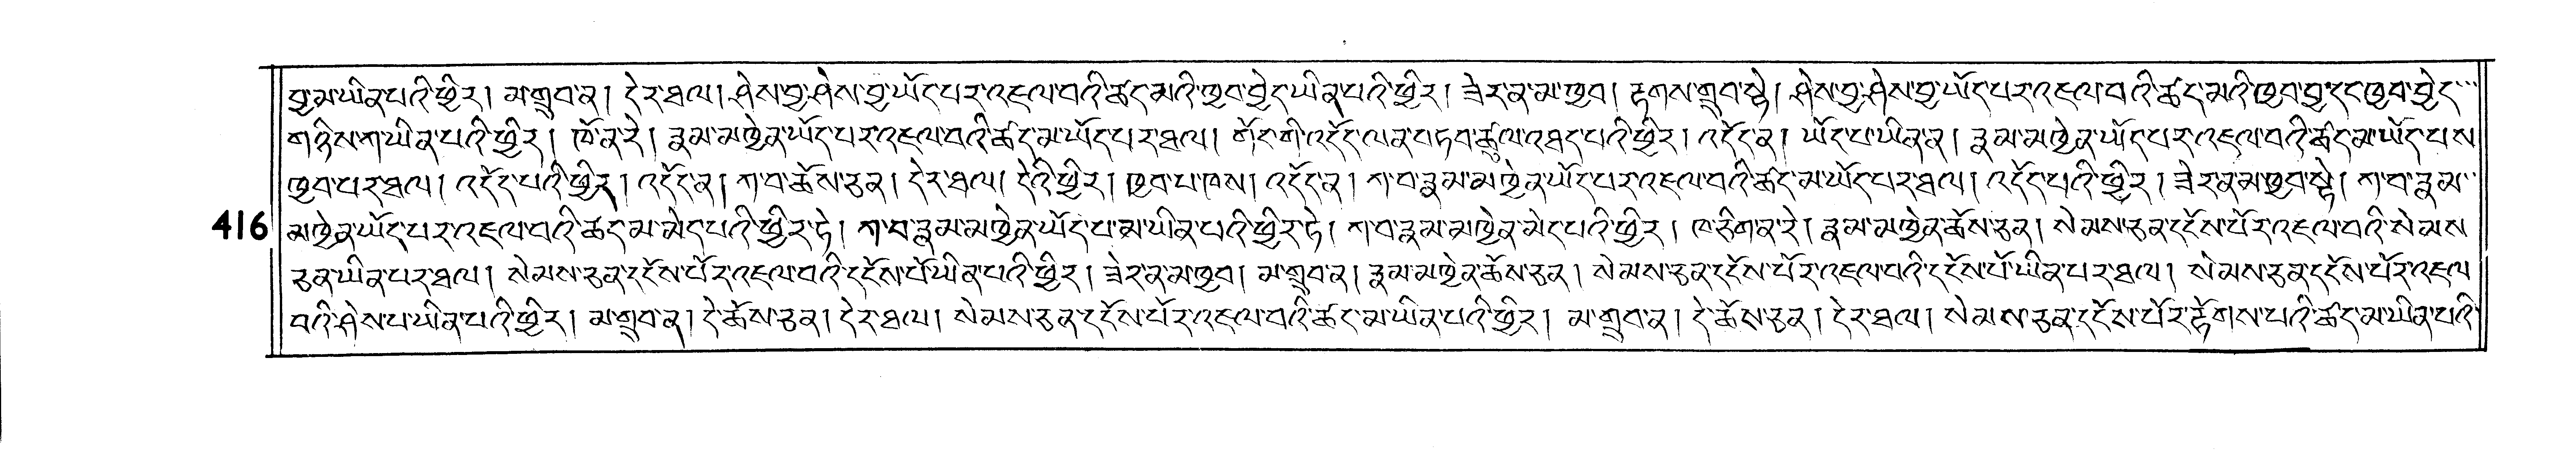བྱ་མ་ཡིན་པའི་ཕྱིར། མ་གྲུབ་ན། དེར་ཐལ། ཤེས་བྱ་ཤེས་བྱ་ཡོད་པར་འཇལ་བའི་ཚད་མའི་ཁྱབ་བྱེད་ཡིན་པའི་ཕྱིར། ཟེར་ན་མ་ཁྱབ། རྟགས་གྲུབ་སྟེ། ཤེས་བྱ་ཤེས་བྱ་ཡོད་པར་འཇལ་བའི་ཚད་མའི་ཁྱབ་བྱ་དང་ཁྱབ་བྱེད་
གཉིས་ཀ་ཡིན་པའི་ཕྱིར། ཁོ་ན་རེ། རྣམ་མཁྱེན་ཡོད་པར་འཇལ་བའི་ཚད་མ་ཡོད་པར་ཐལ། གོང་གི་འདོད་ལན་བཏབ་ཚུལ་འཐད་པའི་ཕྱིར། འདོད་ན། ཡོད་པ་ཡིན་ན། རྣམ་མཁྱེན་ཡོད་པར་འཇལ་བའི་ཚད་མ་ཡོད་པས་
ཁྱབ་པར་ཐལ། འདོད་པའི་ཕྱིར། འདོད་ན། ཀ་བ་ཆོས་ཅན། དེར་ཐལ། དེའི་ཕྱིར། ཁྱབ་པ་ཁས། འདོད་ན། ཀ་བ་རྣམ་མཁྱེན་ཡོད་པར་འཇལ་བའི་ཚད་མ་ཡོད་པར་ཐལ། འདོད་པའི་ཕྱིར། ཟེར་ནམ་ཁྱབ་སྟེ། ཀ་བ་རྣམ་
མཁྱེན་ཡོད་པར་འཇལ་བའི་ཚད་མ་མེད་པའི་ཕྱིར་ཏེ། ཀ་བ་རྣམ་མཁྱེན་ཡོད་པ་མ་ཡིན་པའི་ཕྱིར་ཏེ། ཀ་བ་རྣམ་མཁྱེན་པའི་ཕྱིར། ཁ་ཅིག་ན་རེ། རྣམ་མཁྱེན་ཆོས་ཅན། སེམས་ཅན་དངོས་པོར་འཇལ་བའི་སེམས་
ཅན་ཡིན་པར་ཐལ། སེམས་ཅན་དངོས་པོར་འཇལ་བའི་དངོས་པོ་ཡིན་པའི་ཕྱིར། ཟེར་ན་མ་ཁྱབ་མ་གྲུབ་ན། རྣམ་མཁྱེན་ཆོས་ཅན། སེམས་ཅན་དངོས་པོར་འཇལ་བའི་དངོས་པོ་ཡིན་པར་ཐལ། སེམས་ཅན་དངོས་པོར་འཇལ་
བའི་ཤེས་པ་ཡིན་པའི་ཕྱིར། མ་གྲུབ་ན། དེ་ཆོས་ཅན། དེར་ཐལ། སེམས་ཅན་ལ་དངོས་པོར་འཇལ་བའི་ཚད་མ་ཡིན་པའི་ཕྱིར། མ་གྲུབ་ན། དེ་ཆོས་ཅན། དེར་ཐལ། སེམས་ཅན་དངོས་པོར་རྟོགས་པའི་ཚད་མ་ཡིན་པའི་